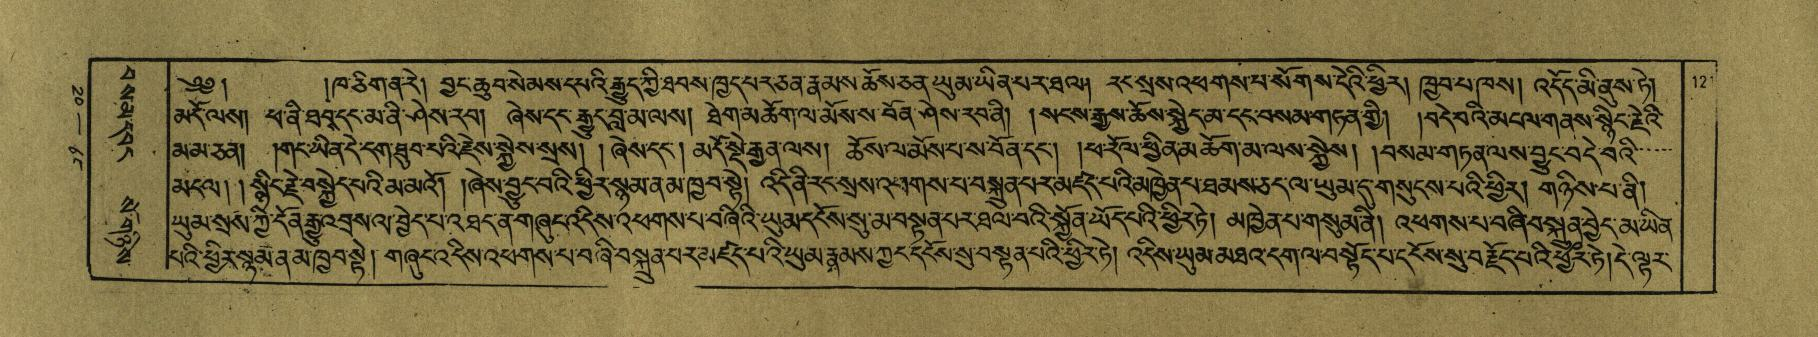༄༅། །ཁ་ཅིག་ན་རེ། བྱང་ཆུབ་སེམས་དཔའི་རྒྱུད་ཀྱི་ཐབས་ཁྱད་པར་ཅན་རྣམས་ཆོས་ཅན་ཡུམ་ཡིན་པར་ཐལ། རང་སྲས་འཕགས་པ་སོགས་དེའི་ཕྱིར། ཁྱབ་པ་ཁས། འདོད་མི་ནུས་ཏེ།
མདོ་ལས། ཕ་ནི་ཐབས་དང་མ་ནི་ཤེས་རབ། ཞེས་དང་རྒྱུད་བླ་མ་ལས། ཐེག་མཆོག་ལ་མོས་ས་བོན་ཤེས་རབ་ནི། །སངས་རྒྱས་ཆོས་སྐྱེད་མ་དང་བསམ་གཏན་གྱི། །བདེ་བའི་མངལ་གནས་སྙིང་རྗེའི་
མ་མ་ཅན། །གང་ཡིན་དེ་དག་ཐུབ་པའི་རྗེས་སྐྱེས་སྲས། །ཞེས་དང་། མདོ་སྡེ་རྒྱན་ལས། ཆོས་ལ་མོས་པ་ས་བོན་དང་། །ཕ་རོལ་ཕྱིན་མཆོག་མ་ལས་སྐྱེས། །བསམ་གཏན་ལས་བྱུང་བདེ་བའི་
མངལ། །སྙིང་རྗེ་བསྐྱེད་པའི་མ་མའོ། །ཞེས་བྱུང་བའི་ཕྱིར་སྙམ་ན་མ་ཁྱབ་སྟེ། འདི་ནི་རང་སྲས་འཕགས་པ་བསྐྲུན་པར་མཛད་པའི་མཁྱེན་པ་ཐམས་ཅད་ལ་ཡུམ་དུ་གསུངས་པའི་ཕྱིར། གཉིས་པ་ནི།
ཡུམ་སྲས་ཀྱི་དོན་རྒྱུ་འབྲས་ལ་བྱེད་པ་འཐད་ན་གཞུང་འདིས་འཕགས་པ་བཞིའི་ཡུམ་དངོས་སུ་མ་བསྟན་པར་ཐལ་བའི་སྐྱོན་ཡོད་པའི་ཕྱིར་ཏེ། མཁྱེན་པ་གསུམ་ནི། འཕགས་པ་བཞི་བསྐྲུན་བྱེད་མ་ཡིན་
པའི་ཕྱིར་སྙམ་ན་མ་ཁྱབ་སྟེ། གཞུང་འདིས་འཕགས་པ་བཞི་བསྐྲུན་པར་མཛད་པའི་ཡུམ་རྣམས་ཀྱང་དངོས་སུ་བསྟན་པའི་ཕྱིར་ཏེ། འདིས་ཡུམ་མཐའ་དག་ལ་བསྟོད་པ་དངོས་སུ་བརྗོད་པའི་ཕྱིར་ཏེ། དེ་ལྟར་